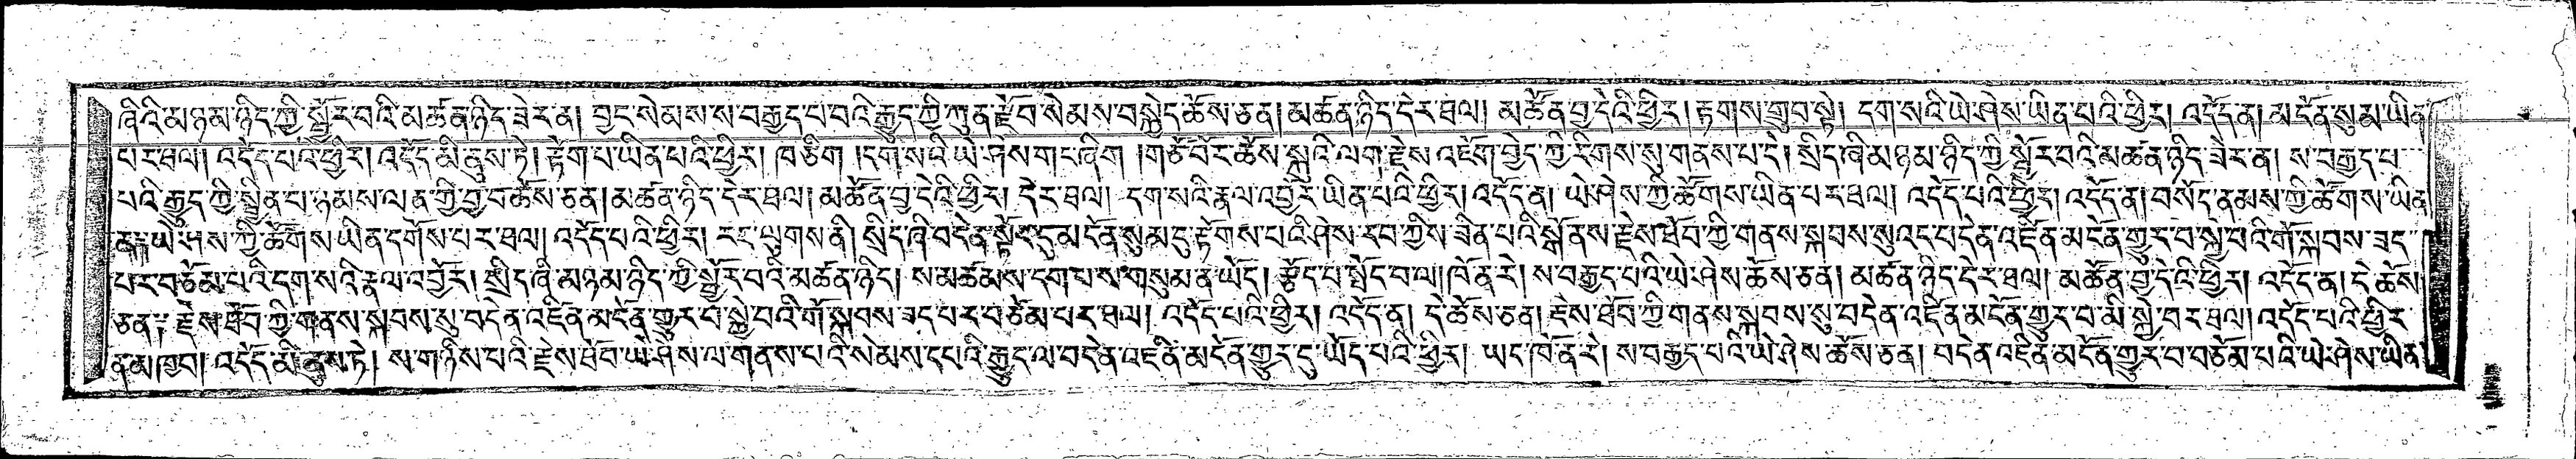ཞིའི་མཉམ་ཉིད་ཀྱི་སྦྱོར་བའི་མཚན་ཉིད་ཟེར་ན། བྱང་སེམས་ས་བརྒྱད་ཀྱི་ཀུན་རྫོབ་སེམས་བསྐྱེད་ཆོས་ཅན། མཚན་ཉིད་དེར་ཐལ། མཚོན་བྱ་དེའི་ཕྱིར། རྟགས་གྲུབ་སྟེ། དག་སའི་ཡེ་ཤེས་ཡིན་པའི་ཕྱིར། འདོད་ན། མངོན་སུམ་ཡིན་
པར་ཐལ། འདོད་པའི་ཕྱིར། འདོད་མི་ནུས་ཏེ། རྟོག་པ་ཡིན་པའི་ཕྱིར། ཁ་ཅིག །དག་སའི་ཡེ་ཤེས་གང་ཞིག །གཙོ་བོར་ཆོས་སྐུའི་ལག་རྗེས་འཇོག་བྱེད་ཀྱི་རིགས་སུ་གནས་པ་དེ། སྲིད་ཞི་མཉམ་ཉིད་ཀྱི་སྦྱོར་བའི་མཚན་ཉིད་ཟེར་ན། ས་བརྒྱད་པ་
པའི་རྒྱུད་ཀྱི་སྦྱིན་པ་ཉམས་ལེན་གྱི་བྱ་བ་ཆོས་ཅན། མཚན་ཉིད་དེར་ཐལ། མཚོན་བྱ་དེའི་ཕྱིར། དེར་ཐལ། དག་སའི་རྣལ་འབྱོར་ཡིན་པའི་ཕྱིར། འདོད་ན། ཡེ་ཤེས་ཀྱི་ཚོགས་ཡིན་པར་ཐལ། འདོད་པའི་ཕྱིར། འདོད་ན། བསོད་ནམས་ཀྱི་ཚོགས་ཡིན་
ན༑ ཡེ་ཤེས་ཀྱི་ཚོགས་ཡིན་དགོས་པར་ཐལ། འདོད་པའི་ཕྱིར། རང་ལུགས་ནི། སྲིད་ཞི་བདེན་སྟོང་དུ་མངོན་སུམ་དུ་རྟོགས་པའི་ཤེས་རབ་ཀྱིས་ཟིན་པའི་སྒོ་ནས་རྗེས་ཐོབ་ཀྱི་གནས་སྐབས་སུའང་བདེན་འཛིན་མངོན་གྱུར་བ་སྐྱེ་བའི་གོ་སྐབས་ཟད་
པར་བཅོམ་པའི་དག་སའི་རྣལ་འབྱོར། སྲིད་ཞི་མཉམ་ཉིད་ཀྱི་སྦྱོར་བའི་མཚན་ཉིད། ས་མཚམས་ད་པ་ས་གསུམ་ན་ཡོད། རྩོད་པ་སྤོང་བ་ལ། ཁོ་ན་རེ། ས་བརྒྱད་པའི་ཡེ་ཤེས་ཆོས་ཅན། མཚན་ཉིད་དེར་ཐལ། མཚོན་བྱ་དེའི་ཕྱིར། འདོད་ན། དེ་ཆོས་
ཅན༑ རྗེས་ཐོབ་ཀྱི་གནས་སྐབས་སུ་བདེན་འཛིན་མངོན་གྱུར་པ་སྐྱེ་བའི་གོ་སྐབས་ཟད་པར་བཅོམ་པར་ཐལ། འདོད་པའི་ཕྱིར། འདོད་ན། དེ་ཆོས་ཅན། རྗེས་ཐོབ་ཀྱི་གནས་སྐབས་སུ་བདེན་འཛིན་མངོན་གྱུར་བ་མི་སྐྱེ་བར་ཐལ། འདོད་པའི་ཕིར་
ན་མ་ཁྱབ། འདོད་མི་ནུས་ཏེ། ས་གཉིས་པའི་རྗེས་ཐོབ་ཡེ་ཤེས་ལ་གནས་པའི་སེམས་དཔའི་རྒྱུད་ལ་བདེན་འཛིན་མངོན་གྱུར་དུ་ཡོད་པའི་ཕྱིར། ཡང་ཁོ་ན་རེ།ས་བརྒྱད་བའི་ཡེ་ཤེས་ཆོས་ཅན། བདེན་འཛིན་མངོན་གྱུར་བ་བཅོམ་པའི་ཡེ་ཤེས་ཡིན་